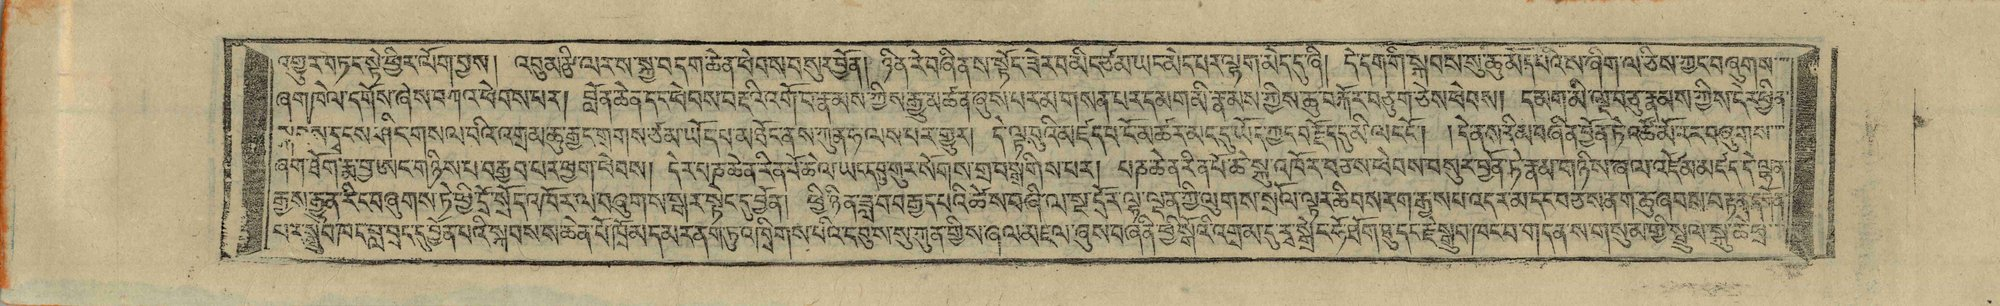འགྱུར་བཏང་སྟེ་ཕྱིར་ལོག་བྱས། འབུམ་རྩི་ལར་ས་སྐྱ་བདག་ཆེན་ཕེབས་བསུར་བྱོན། ཉིན་རེ་བཞིན་ས་སྟོང་ཟེར་བ་མིང་ཙམ་ཡང་མེད་པར་ལྷག་མེད་དུ་ཞི། དེ་དག་གི་སྐབས་སུ་ཆུ་མེད་པའི་ས་ཞིག་ལ་ཅིས་ཀྱང་བཞུགས་
ཞག་ཁེལ་དགོས་ཞེས་བཀའ་ཕེབས་པར། བློན་ཆེན་དང་ཕེབས་བརྡའི་འགོ་བ་རྣམས་ཀྱིས་རྒྱུ་མཚན་ཞུས་པར་མ་གསན་པར་དམག་མི་རྣམས་ཀྱིས་ཆུ་བརྐོར་བཅུག་ཅེས་ཕེབས། དམག་མི་ལྔ་བཅུ་རྣམས་ཀྱིས་དེར་ཕྱིན་
སྐབས་དྭངས་ཤིང་གསལ་བའི་འགྲམ་ཆུ་རྒྱང་གྲགས་ཙམ་ཡོད་པ་མཐོང་ནས་ཀུན་ཧ་ལས་པར་གྱུར། དེ་ལྟ་བུའི་མཛད་པ་ངོ་མཚར་མང་དུ་ཡོད་ཀྱང་བརྗོད་དུ་མི་ལང་ངོ། །དེ་ནས་རིམ་བཞིན་བྱོན་ཏེ་འཚོ་མོ་རང་བཞུགས་
ཞག་ཐོག་རྨ་བྱ་ཨང་གཉིས་པ་བརྒྱབ་པར་ཕྱག་ཕེབས། དེར་པཎ་ཆེན་རིན་པོ་ཆེ་ལ་ཡང་དབུ་གུར་སོགས་གྲ་བསྒྲིགས་པར། པཎ་ཆེན་རིན་པོ་ཆེ་སྐུ་འཁོར་བཅས་ཕེབས་བསུར་བྱོན་ཏེ་རྣམ་གཉིས་ཞལ་འཛོམ་མཛད་དེ་ལྷན་
རྒྱས་རྒྱུན་རིང་བཞུགས་ཏེ་ཕྱི་དྲོ་སྲོད་འཁོར་ལ་བཞུགས་སྒར་སྟེང་དུ་བྱོན། ཕྱི་ཉིན་ཟླ་བ་བརྒྱད་པའི་ཚེས་བཞི་ལ་སྔ་དྲོར་ལྷ་ལྡན་གྱི་ལུགས་སྲོལ་ལྟར་ཆིབས་རག་རྒྱས་པ་འདར་མ་དང་བཅས་ནག་ཆུ་ཞབས་བརྟན་དགོན་
པར་སྒྲུབ་ཁང་བླ་བྲང་དུ་བྱོན་པའི་སྐབས་ས་ཆེན་པོ་ཁྲོམ་དམར་ནག་ཏུ་འཁྲིགས་པའི་དབུས་སུ་ཀུན་གྱིས་ཞལ་མཇལ་ཞུས་བཞིན་ཕྱི་སྒོའི་འགྲམ་དུ་རྭ་སྒྲེང་ཧོ་ཐོག་ཏུ་དང་རྗེ་སྒྲུབ་ཁང་པ་གདན་ས་གསུམ་གྱི་སྤྲུལ་སྐུ་ཆེ་ཕྲ་